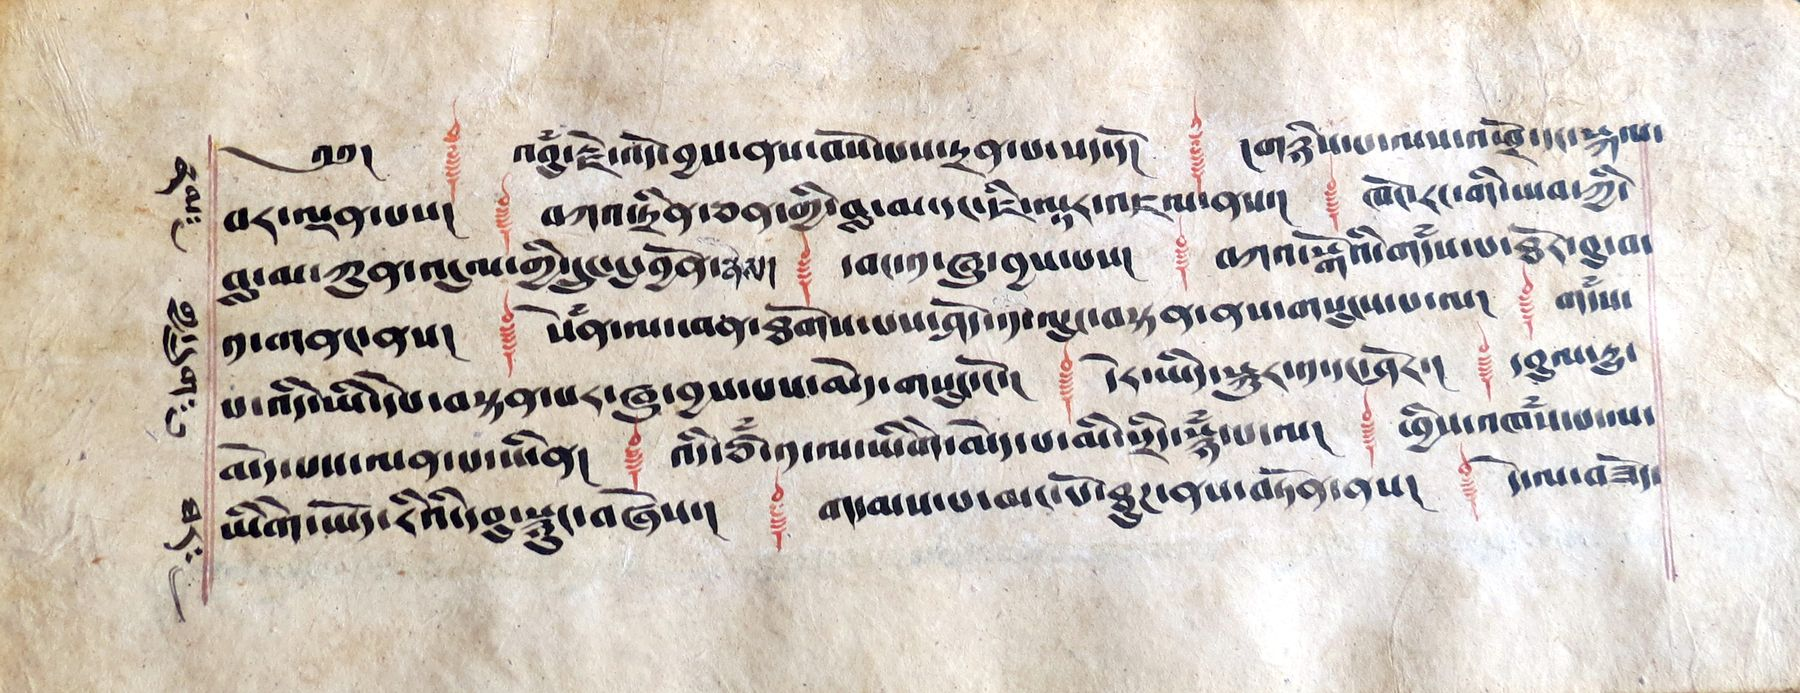འབུམ་རྗེ་འོད་བྱས་ནས་བོས་པས་དྲན་པ་སད་དོ། ། གཉིས་པ་ལས་འཕྲོ་དང་སྐལ་
པར་ལྡན་པས། བཀའ་དྲིན་ཅན་གྱི་བླ་མ་དང་ཅི་ལྟར་མཇལ་ན། ཁོང་རང་གི་ཡབ་ཀྱི་
བླ་མ་ཀུན་འདུལ་གྱི་དྲུང་དུ་བྱོན་ནས། དབང་ཞིག་ཞུ་བྱས་པས། བཀའ་སྒོའི་གདམས་པ་འཐོར་བུ་བ་
ཞིག་གནང་ནས། སེམས་ཅན་ལ་ཕན་ཐོགས་པས་ཤོད་ཅིག་གིས་ལུང་བསྟན་ནས་གསུངས་པ་ལ། གདམས་
པ་འདིའི་དཔེ་བསྟན་པར་ཞུ་བྱས་པས་མེད་གསུངས་སོ། ། དེར་ཡིད་བསྐུར་ཞིག་ཀྱང་ཤོར། འབུལ་རྒྱུ་
མེད་པས་ལེན་པ་ཡིན། འདི་ཙམ་ཞིག་ལ་ཡི་གེ་མེད་པ་མི་སྲིད་སྙམ་པ་ལ། ཕྱིས་ཁམས་པ་ལ་
ཡི་གེ་ཡོད་རེའི་དབུ་བསྙུངས་བཞེས། གདམས་པ་མང་པོ་ཐུགས་ནས་བཏོན་ནས། དེ་ལ་བཟོད་